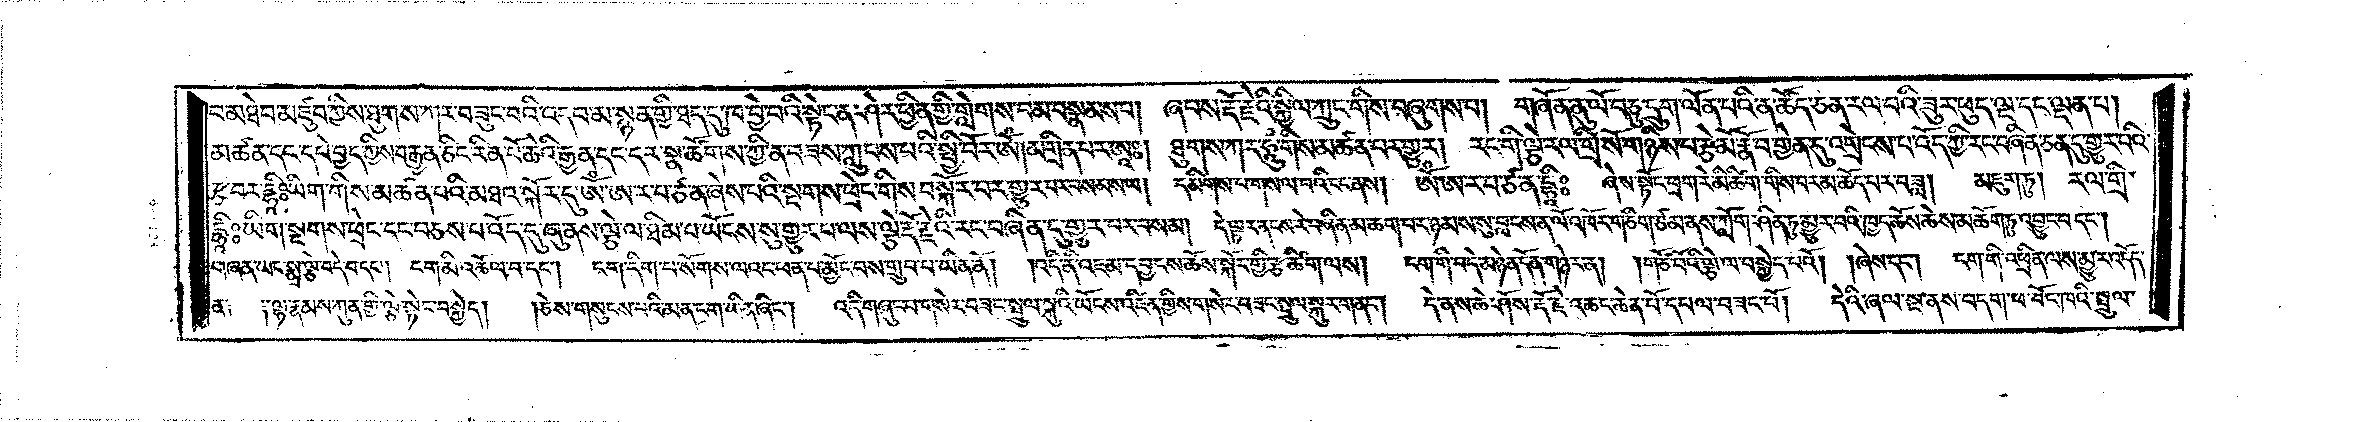བ་མཐེབ་མཛུབ་ཀྱིས་ཐུགས་ཀར་བཟུང་བའི་འདབ་མ་སྙན་གྱི་ཐད་དུ་ཁ་བྱེ་བའི་སྟེང་ན་ཤེར་ཕྱིན་གྱི་གླེགས་བམ་བསྣམས་པ། ཞབས་རྡོ་རྗེའི་སྐྱིལ་ཀྲུང་གིས་བཞུགས་པ། གཞོན་ནུ་ལོ་བཅུ་དྲུག་ལོན་པའི་ན་ཚོད་ཅན་རལ་བའི་ཟུར་ཕུད་ལྔ་དང་ལྡན་པ།
མཚན་དང་དཔེ་བྱད་ཀྱིས་བརྒྱན་ཅིང་རིན་པོ་ཆེའི་རྒྱན་དང་དར་སྣ་ཚོགས་ཀྱི་ན་བཟས་ཀླུ་བས་པའི་སྤྱི་བོར་ཨོཾ་།མགྲིན་པར་ཨཱཿ། ཐུགས་ཀར་ཧཱུཾ་གིས་མཚན་པར་གྱུར། རང་གི་ལྕེ་རལ་གྲི་སོ་གཉིས་པ་རྩེ་མོ་རྣོ་བ་གྱེན་དུ་འགྲེངས་པ་འོད་ཀྱི་རང་བཞིན་ཅན་དུ་གྱུར་པའི་
རྩ་བར་དྷཱིཿཡིག་གིས་མཚན་པའི་མཐའ་སྐོར་དུ་ཨོཾ་ཨ་ར་པ་ཙ་ན་ཞེས་པའི་སྔགས་ཕྲེང་གིས་བསྐོར་བར་གྱུར་པར་བསམས་ལ། དམིགས་པ་གསལ་བའི་ངང་ནས། ཨོཾ་ཨ་ར་པ་ཙ་ན་དྷཱིཿ ཞེས་སྟོང་ཕྲག་རེ་མི་ཚིག་གིས་བར་མ་ཆོད་པར་བཟླ། མཇུག་ཏུ། རལ་གྲི་
དྷཱིཿཡིག་སྔགས་ཕྲེང་དང་བཅས་པ་འོད་དུ་ཞུ་ནས་ལྕེ་ལ་ཐིམ་པ་ཡོངས་སུ་གྱུར་པ་ལས་ལྕེ་རྡོ་རྗེའི་རང་བཞིན་དུ་གྱུར་པར་བསམ། དེ་ལྟར་ནངས་རེ་བཞིན་མ་ཆག་པར་ཉམས་སུ་བླངས་ན་ལོ་འཁོར་གཅིག་ཙམ་ནས་ཀློག་ཤིན་ཏུ་མྱུར་བའི་ཁྱད་ཆོས་ཆེས་མཆོག་ཏུ་འབྱུང་བ་དང་།
གཞན་ཡང་སྨྲ་ལྕེ་བདེ་བ་དང་། ངག་མི་འཆོལ་བ་དང་། ངག་དིག་པ་སོགས་ལའང་ཕན་པ་མྱོང་བས་གྲུབ་པ་ཡིན་ནོ། །འདི་ནི་འཇམ་དབྱངས་ཆོས་སྐོར་གྱི་རྩ་ཚིག་ལས། ངག་གི་བདེ་མཉེན་དོན་གཉེར་ན། །གཙོ་བོའི་ལྕེ་ལ་བསྐྱེད་པའོ། །ཞེས་དང་། ངག་གི་འཕྲིན་ལས་མྱུར་འདོད་
ན༑ ༑ལྷ་རྣམས་ཀུན་གྱི་ལྕེ་སྟེང་བསྐྱེད། །ཅེས་གསུངས་པའི་མན་ངག་ཡིན་ཞིང་། འདི་གཞུང་བ་གསེར་བཟང་སྤྲུལ་སྐུའི་ཡོངས་འཛིན་གྱིས་གསེར་བཟང་སྤྲུལ་སྐུར་གནང་། དེ་ནས་ཆེ་ཤོས་རྡོ་རྗེ་འཆང་ཆེན་པོ་དཔལ་བཟང་པོ། དེའི་ཞལ་སྔ་ནས་བདག་ཕ་བོང་ཁའི་སྤྲུལ་